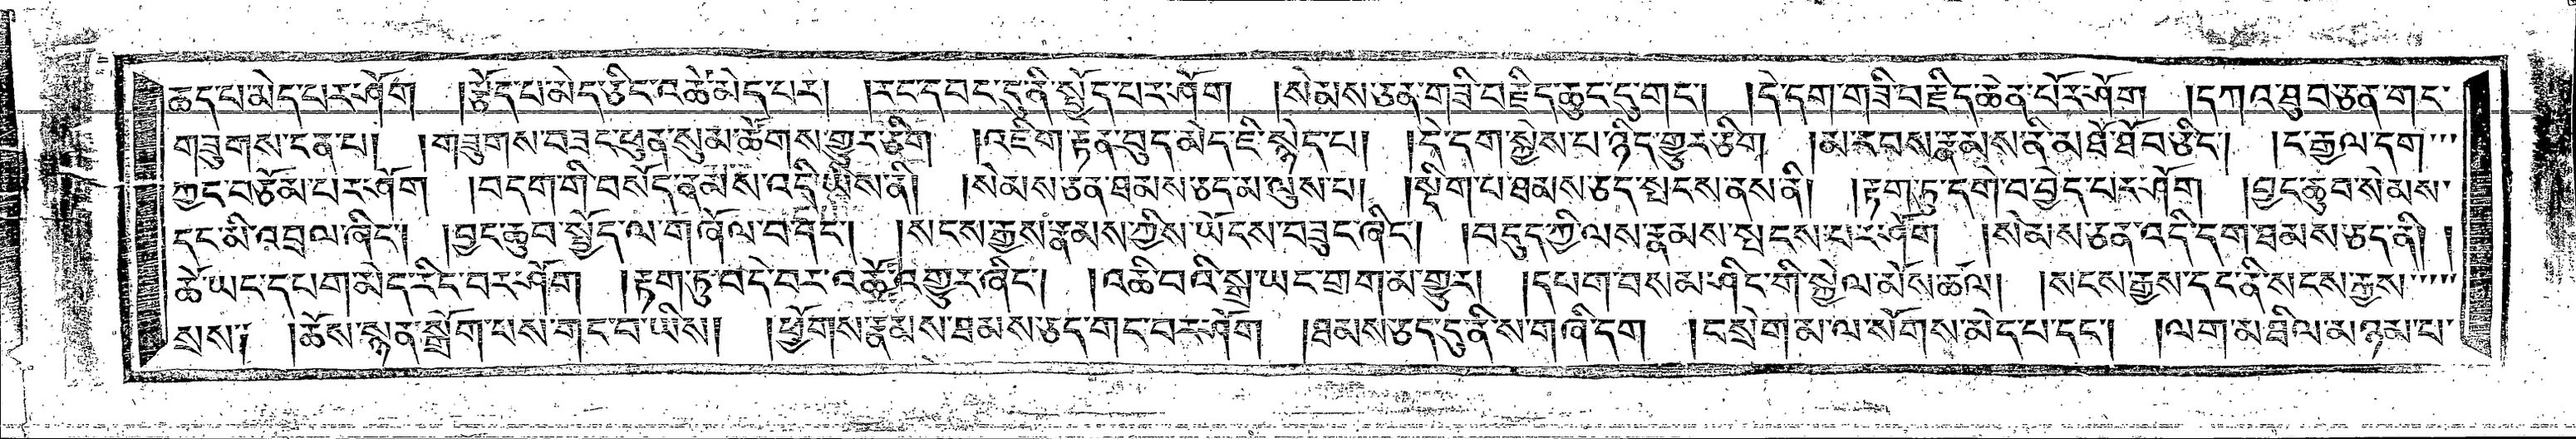ཆད་པ་མེད་པར་ཤོག །རྩོད་པ་མེད་ཅིང་འཚེ་མེད་པར། །རང་དབང་དུ་ནི་སྤྱོད་པར་ཤོག །སེམས་ཅན་གཟི་བརྗིད་ཆུང་དུ་གང་། །དེ་དག་གཟི་བརྗིད་ཆེན་པོར་ཤོག །དཀའ་ཐུབ་ཅན་གང་
གཟུགས་ངན་པ། །གཟུགས་བཟང་ཕུན་སུམ་ཚོགས་གྱུར་ཅིག །འཇིག་རྟེན་བུད་མེད་ཇི་སྙེད་པ། །དེ་དག་སྐྱེས་པ་ཉིད་གྱུར་ཅིག །མ་རབས་རྣམས་ནི་མཐོ་ཐོབ་ཅིང་། །ང་རྒྱལ་དག་
ཀྱང་བཅོམ་པར་ཤོག །བདག་གི་བསོད་ནམས་འདི་ཡིས་ནི། །སེམས་ཅན་ཐམས་ཅད་མ་ལུས་པ། །སྡིག་པ་ཐམས་ཅད་སྤངས་ནས་ནི། །རྟག་ཏུ་དགེ་བ་བྱེད་པར་ཤོག །བྱང་ཆུབ་སེམས་
དང་མི་འབྲལ་ཞིང་། །བྱང་ཆུབ་སྤྱོད་ལ་གཞོལ་བ་དང་། །སངས་རྒྱས་རྣམས་ཀྱིས་ཡོངས་བཟུང་ཞིང་། །བདུད་ཀྱི་ལས་རྣམས་སྤངས་པར་ཤོག །སེམས་ཅན་འདི་དག་ཐམས་ཅད་ནི། །
ཚེ་ཡང་དཔག་མེད་རིང་བར་ཤོག །རྟག་ཏུ་བདེ་བར་འཚོ་འགྱུར་ཞིང་། །འཆི་བའི་སྒྲ་ཡང་གྲག་མ་གྱུར། །དཔག་བསམ་ཤིང་གི་སྐྱེལ་མོས་ཚལ། །སངས་རྒྱས་དང་ནི་སངས་རྒྱས་
སྲས༑ ༑ཆོས་སྙན་སྒྲོག་པས་གང་བ་ཡིས། །ཕྱོགས་རྣམས་ཐམས་ཅད་གང་བར་ཤོག །ཐམས་ཅད་དུ་ནི་ས་གཞི་དག །བསྲེག་མ་ལ་སོགས་མེད་པ་དང་། །ལག་མཐིལ་མཉམ་པ་